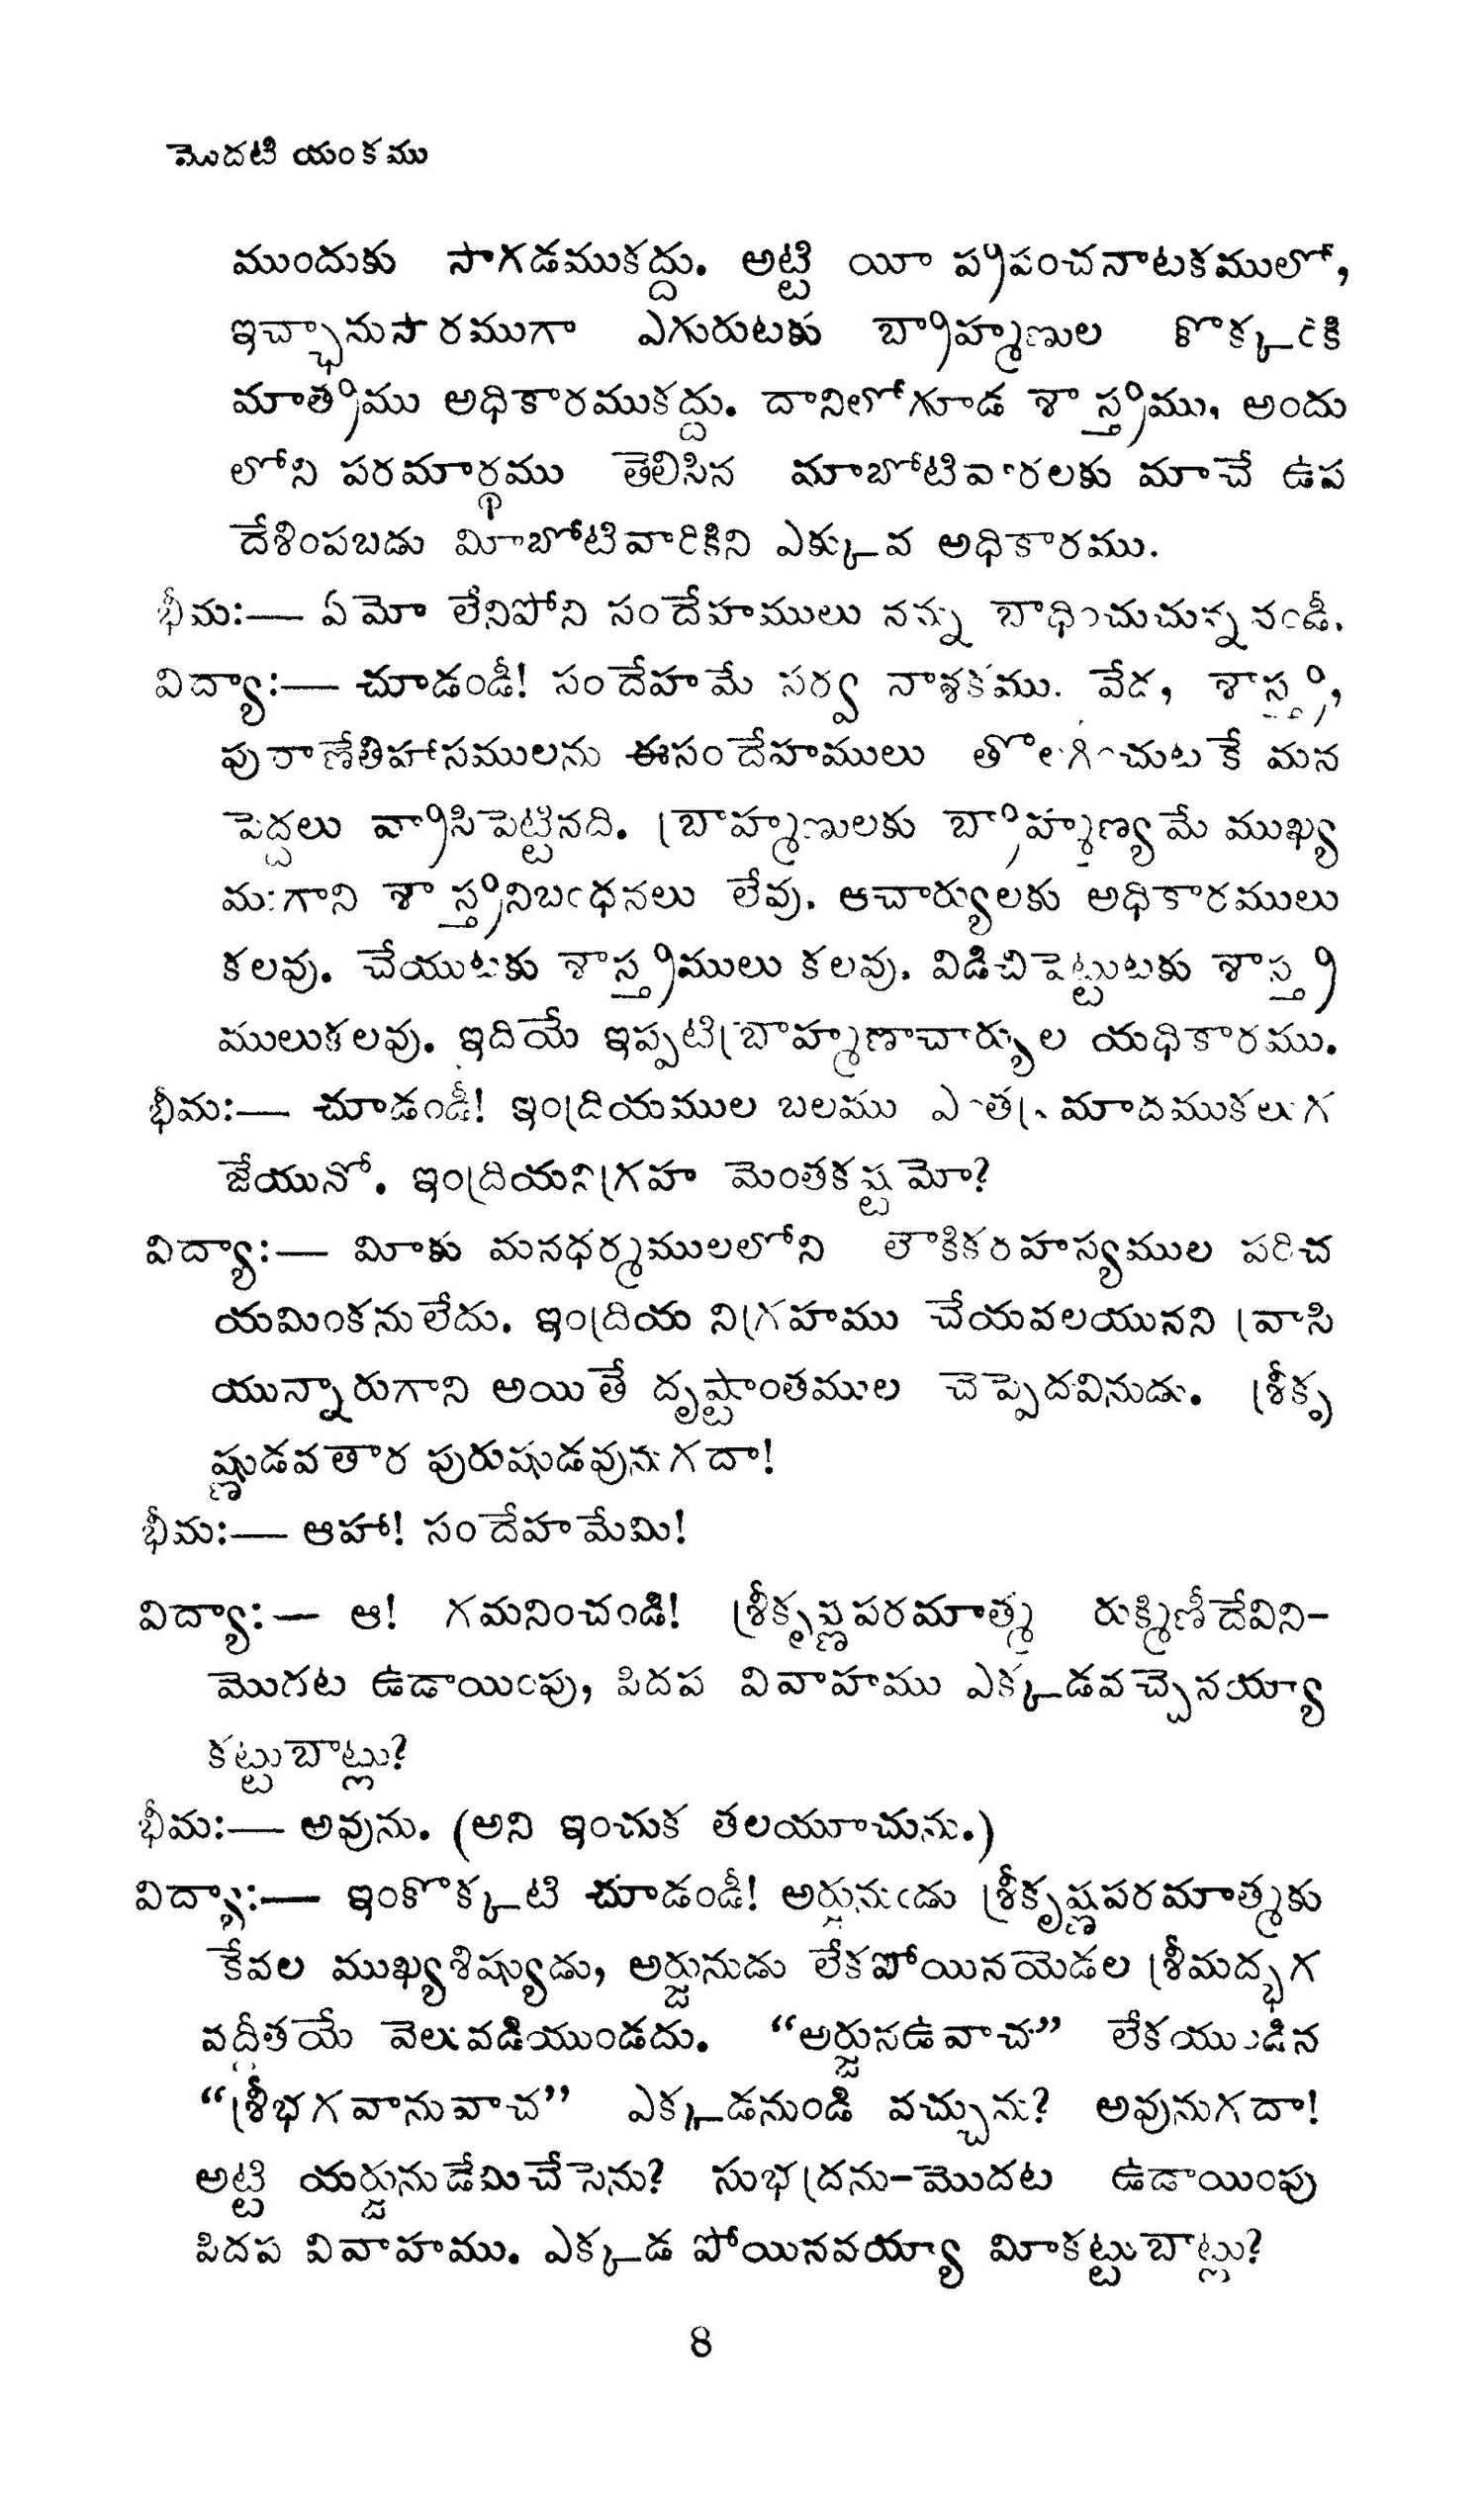ముందుకు సాగడముకద్దు. అట్టి యీ ప్రపంచనాటకములో,
ఇచ్ఛానుసారముగా ఎగురుటకు బాహ్మణుల కొక్కరికి
మాత్రము అధికారముకద్దు. దానిలోగూడ శాస్త్రము, అందు
లోని పరమార్ధము తెలిసిన మాబోటి వారలకు మాచే ఉప
దేశింపబడు మీబోటి వారికిని ఎక్కువ అధికారము.

భీమ:- ఏమో లేనిపోని సందేహములు నన్న బాధించుచున్న వండీ,

విద్యా:- చూడండీ! సందేహమే సర్వ నాశకము. వేద, శాస్త్ర,
పురాణేతిహాసములను ఈసందేహములు తొలగించుట కే మన
పెద్దలు వ్రాసి పెట్టినది. (బాహ్మణులకు బాహ్మణ్యమే ముఖ్య
ము గాని శాస్త్రనిబఁధనలు లేవు. ఆచార్యులకు అధికారములు
కలవు. చేయుటకు శాస్త్రములు కలవు. విడిచి పెట్టుటకు శాస్త్ర
ములుగలవు. ఇదియే ఇప్పటి 'బాహ్మణాచార్యుల యధికారము.

భీమ:- చూడండీ! ఇంద్రియముల బలము ఎంత ప్రమాదముకలు గ
జేయునో. ఇంద్రియనిగ్రహ మెంతకష్ట మో!

విద్యా:- మీకు మనధర్మములలోని లౌకిక రహస్యముల పరిచ
యమింకను లేదు. ఇంద్రియ నిగ్రహము చేయవలయునని వ్రాసి
యున్నారుగాని అయి తే దృష్టాంతముల చెప్పెదవినుడు. శ్రీకృ
షుడవతార పురుషుడవును గదా!

భీమ:- ఆహా! సం దేహమేమి!

విద్యా: - ఆ! గమనించండి. శ్రీకృష్ణ పరమాత్మ రుక్మిణీ దేవిని -
మొదట ఉడాయిఁపు, పిదప వివాహము ఎక్కడ వచ్చెనయ్యా
కట్టుబాట్లు?

భీమ:- అవును. (అని ఇంచుక తలయూచును.)

విద్యా:- ఇంకొక్కటి చూడండీ! అర్జునుఁడు శ్రీకృష్ణ పరమాత్మకు
కేవల ముఖ్య శిష్యుడు, అర్జునుడు లేకపోయిన యెడల శ్రీమద్భగ
వద్గీత యే వెలువడియుండదు. “అర్జున ఉవాచ” లేకయుండిన
"శ్రీభగవాను వాచ” ఎక్కడనుండి వచ్చును? అవునుగదా!
అట్టి యర్జునుడేమి చేసెను. సుభద్రను-మొదట ఉడాయింపు
పిదప వివాహము. ఎక్కడ పోయినవయ్యా మీకట్టుబాట్లు!